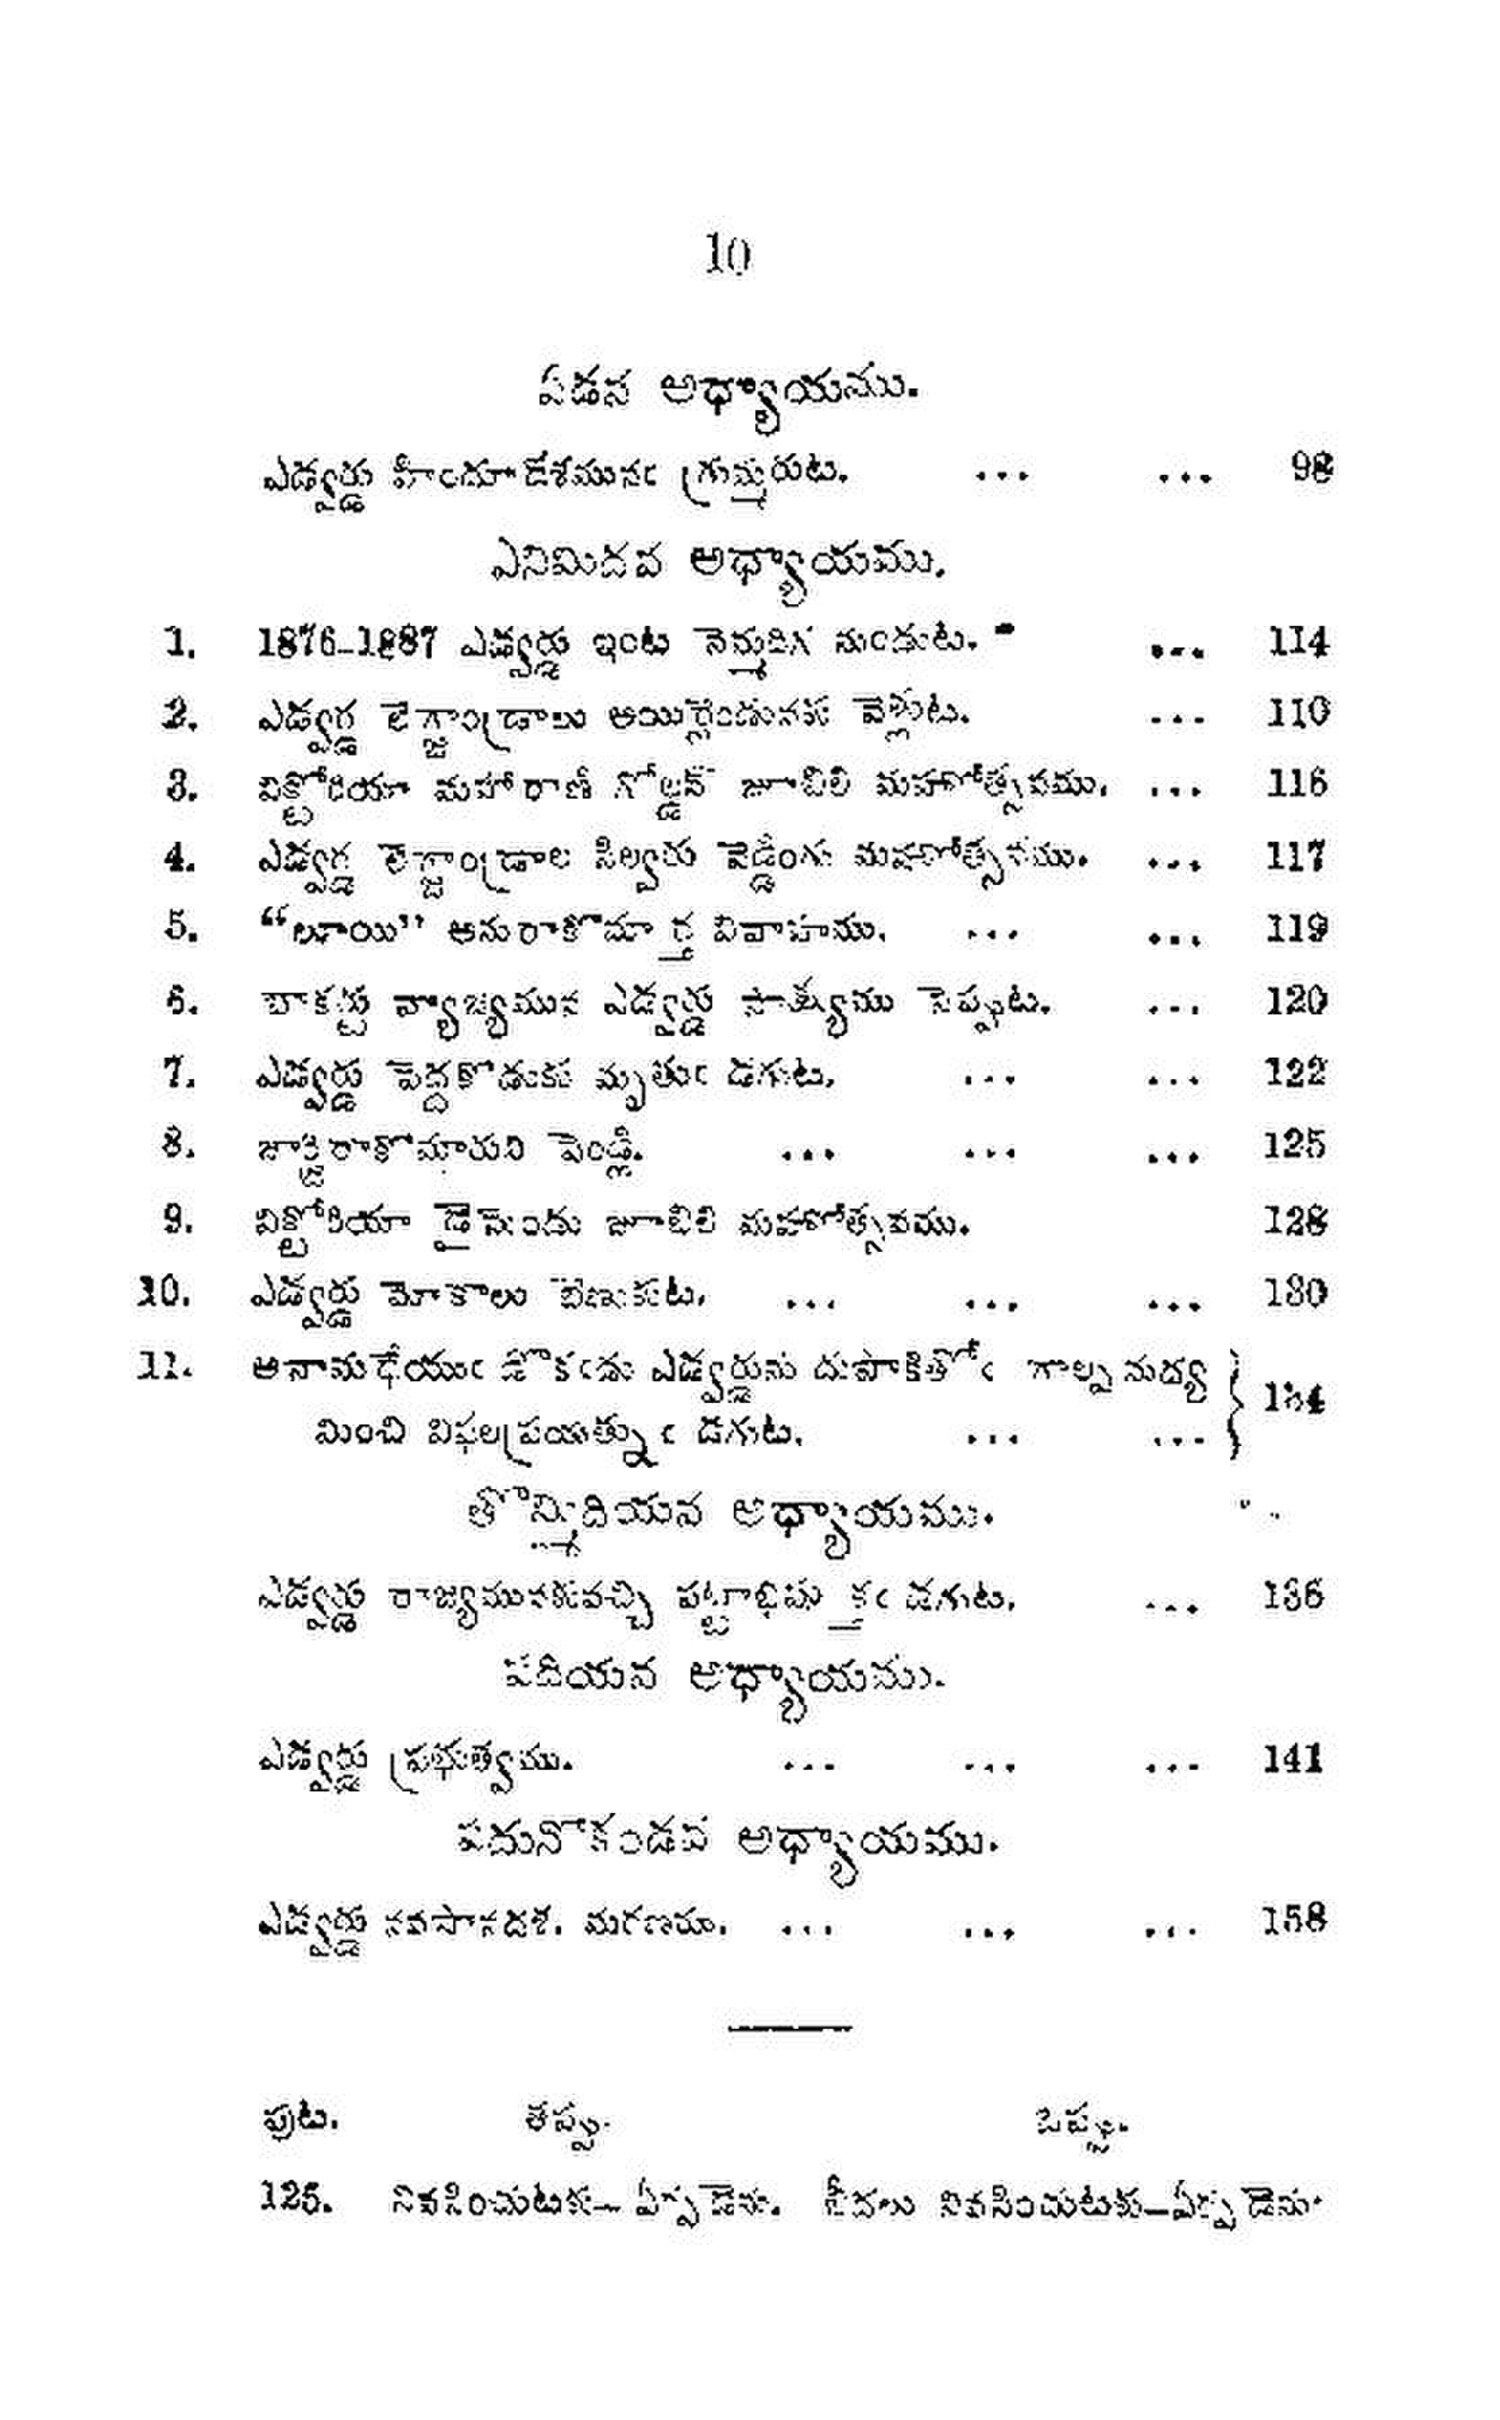ఎడ్వర్డు హిందూ దేశమునం గ్రుమ్మరుట, 

1. 1876-1987 ఎడ్వర్డు ఇంట నెనుదిన నుండుట, • 
2. ఎడ్వర్డ లేగ్జాండ్రాలు అయిర్లెండునకు వెళ్లుట. 
3. విక్టోరియా మహా రాణీ గోల్డెన్ జూబిలి మహోత్సవము. 
4. ఎడ్వర్డ లెగ్జాండ్రాల సిల్వరు ఇడ్లింగ మహోత్సవము . 
5. “లూయి" అను రాకుమార్త వివాహము, 
6. బాకర్టు వ్యాజ్యమున ఎడ్వర్డు సాక్ష్యము సెప్పుట, 
7. ఎడ్వర్డు పెద్ద కొడుకు మృతుఁ డగుట, 
8. జార్జి రాకొమారుని పెండ్లి 
9. విక్టోరియా డైమెండు జూలి మహోత్సవము. 
10. ఎడ్వర్డు మోకాలు బెను కుట, 
11. ఆ నామ ధేయుఁ డొక్కడు ఎడ్వర్డును దుపాకితోఁ గాల్ప నుద్య
 మించి విఫలప్రయత్ను డగుట, 

ఎడ్వర్డు రాజ్యమునకు వచ్చి పట్టాభిషిక్తు డగుట, 

ఎడ్వర్లు ప్రభుత్వము. 

ఎడ్వర్డు నవసానదశ. మరణము .

పుట. ..............తప్పు................ ....................ఒప్పు ....................
125. నివసించుటకు ఏర్పడెను............. బీదలు నివసించుటకు ఏర్పడెను.